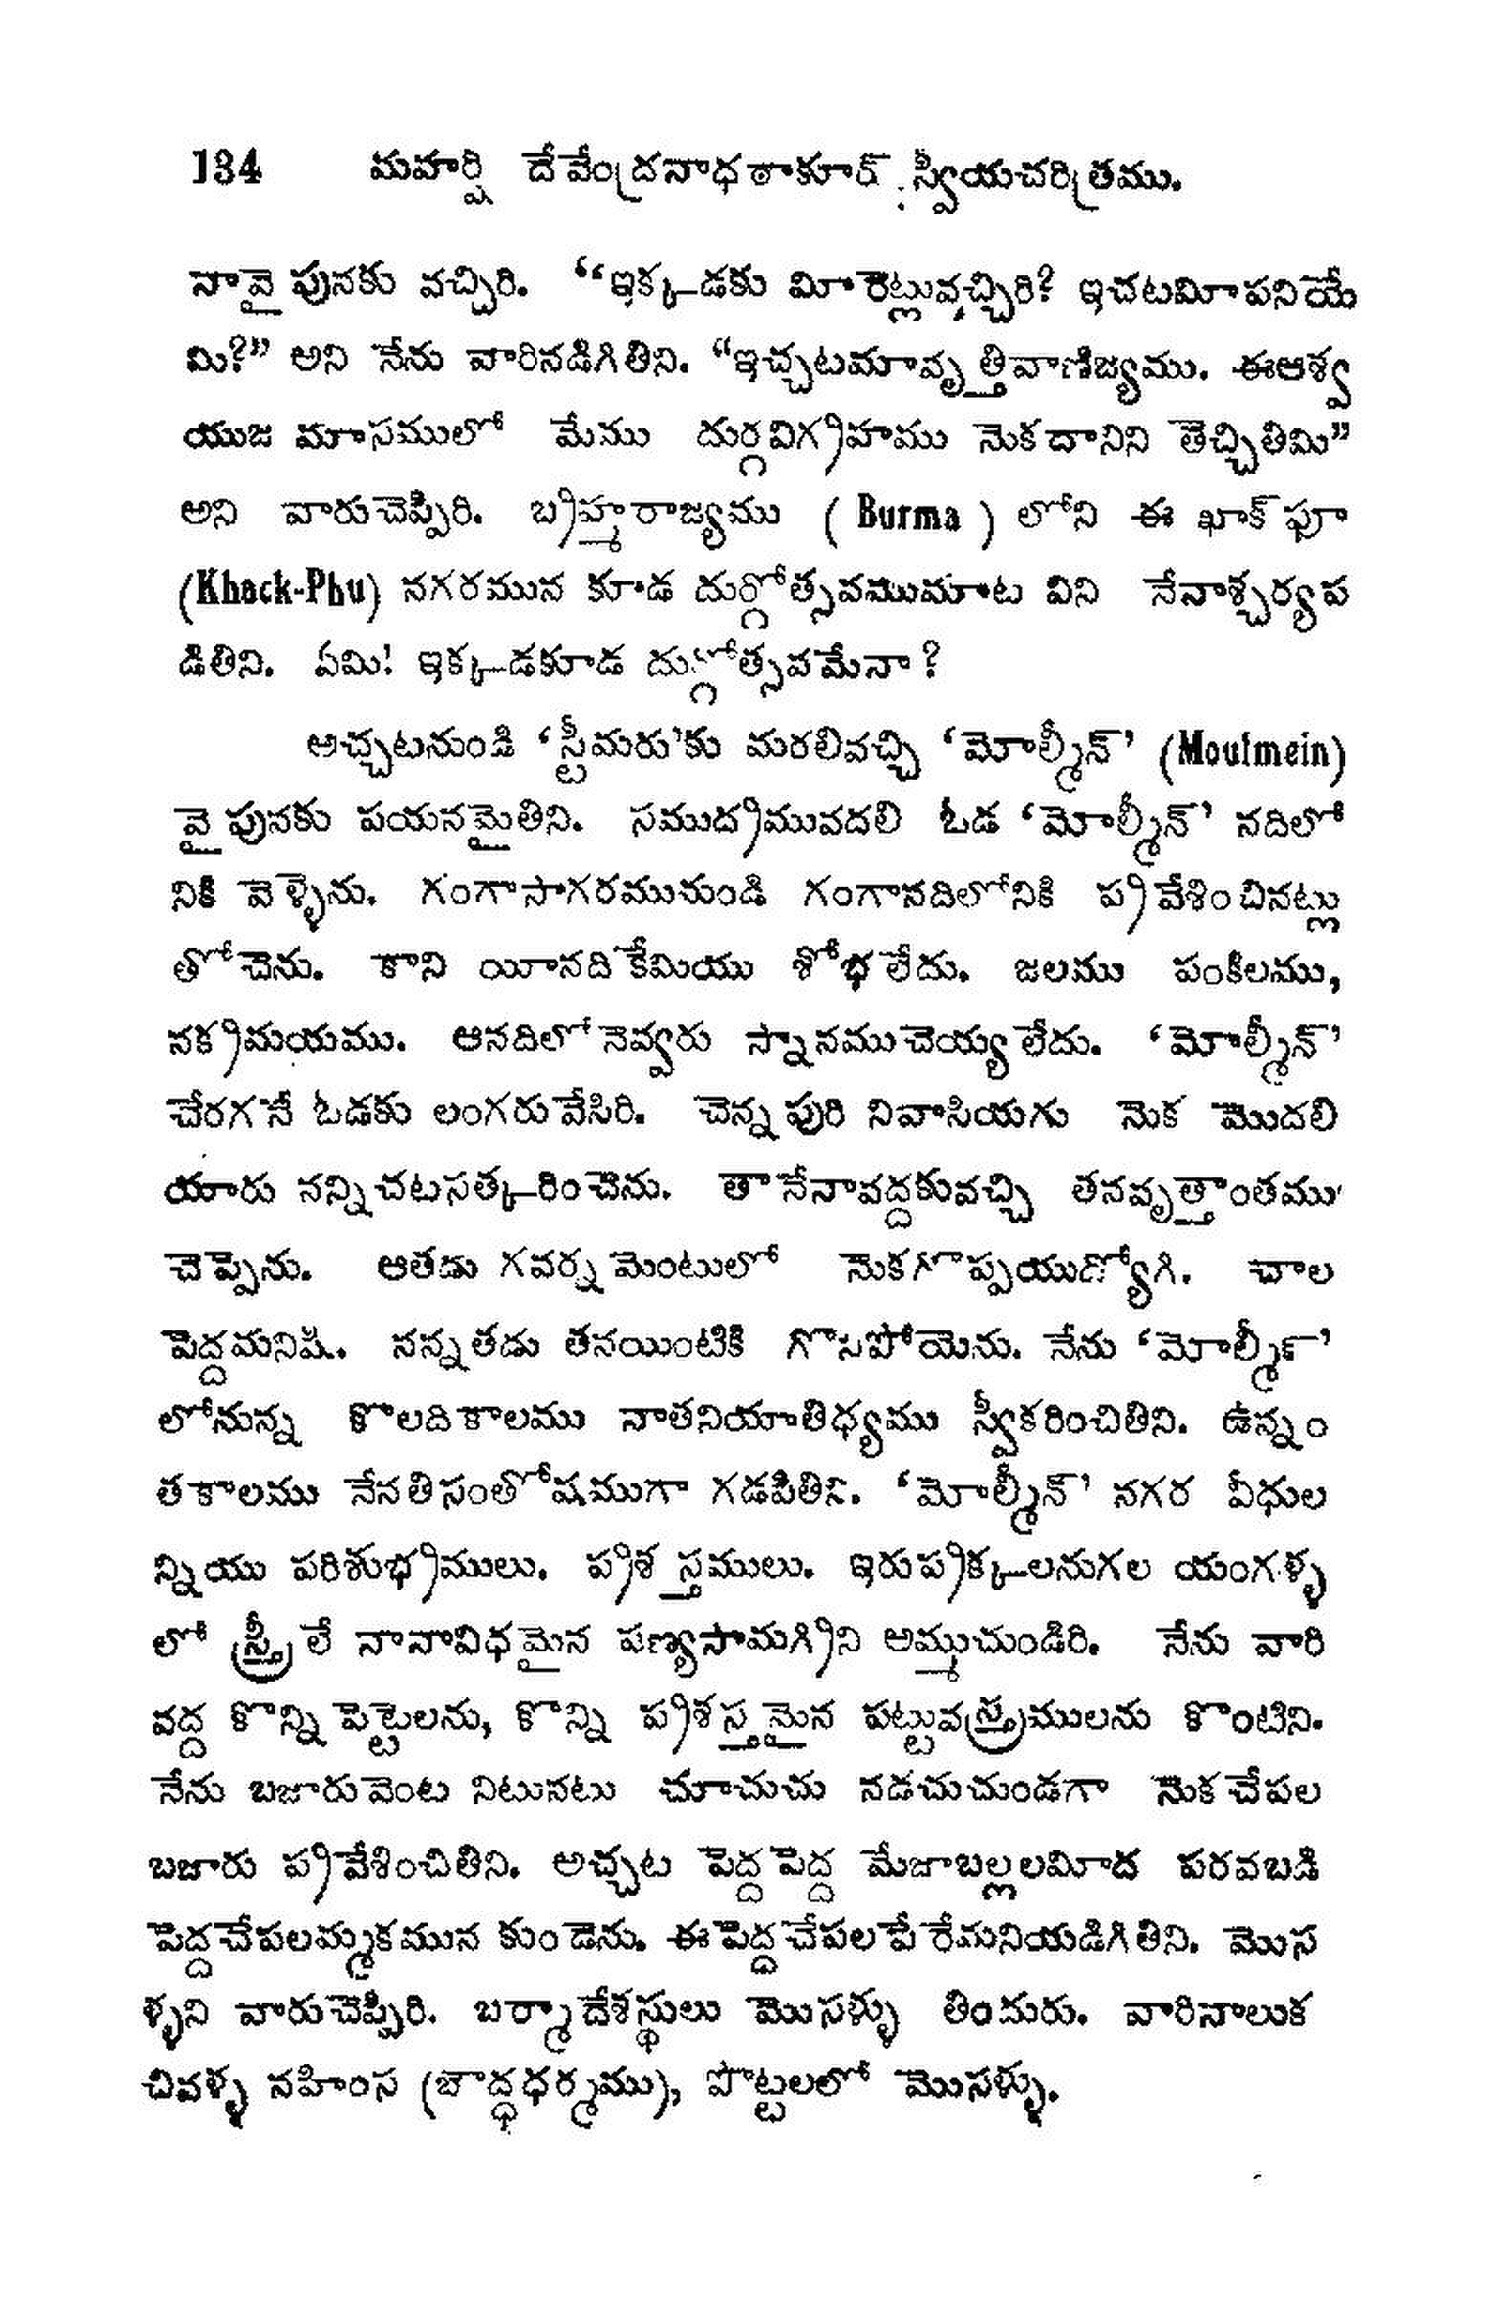నాపపునకు వచ్చిరి. “ఇక్కడకు మీరెట్లు వచ్చిరి? ఇచటమి పనియేమి?” 
అని నేను వారినడిగితిని. “ఇచ్చట మావృత్తి వాణిజ్యము. ఈ ఆశ్వయుజ 
మాసములో మేము దుర్గ విగ్రహము ఒక దానిని తెచ్చితిమి”అని వారు 
చెప్పిరి. బ్రహ్మ రాజ్యము ( Burma ) లోని ఈ ఖాక్ ఫూ(Khack-Pbu) 
నగరమున కూడ దుర్గోత్సవము మాట విని నేనాశ్చర్యపడితిని. ఏమి! 
ఇక్కడకూడ దుర్గోత్సవమేనా ?

అచ్చటనుండి “ స్టీమరు'కు మరలివచ్చి 'మోల్మీన్ ' (Moulmein)
వైపునకు పయనమైతిని. సముద్రము వదలి ఓడ 'మోల్మీన్' నదిలో
నికి వెళ్లెను. గంగాసాగరమునుండి గంగానదిలోనికి ప్రవేశించినట్లు
తోచెను. కాని యీనది కేమియు శోభ లేదు, జలము పంకిలము,
నక్రమయము. ఆనదిలో నెవ్వరు స్నానము చెయ్య లేదు. 'మోల్మీన్'
చేరగనే ఓడకు లంగరు వేసిరి. చెన్నపురి నివాసియగు 'నెక మొదలి
యారు నన్నిచటసత్కరించెను. తానేనావద్దకువచ్చి తనవృత్తాంతము
చెప్పెను. అతడు గవర్నమెంటులో ఒక గొప్పయుడ్యోగి. చాల పెద్దమనిషి, 
సన్నతడు తనయింటికి గొనిపోయెను. నేను “మోల్మీకా'లోనున్న 
కొలది కాలము నాతనియాతిథ్యము స్వీకరించితిని. ఉన్నంతకాలము 
నేనతి సంతోషముగా గడపితి. “మౌల్మీన్' నగర వీధులన్నియు 
పరిశుభములు, ప్రశస్తములు. ఇరుప్రక్కలనుగల యంగళ్ళలే 
నానావిధమైన పణ్య సామగ్రిని అముచుండిరి. నేను వారి
వద్ద కొన్ని పెట్టెలను, కొన్ని ప్రశస్తమైన పట్టువస్త్రములను 
కొంటిని.నేను బజూరు వెంట నిటునటు చూచుచు నడచుచుండగా 
ఒక చేపల బజారు ప్రవేశించితిని. అచ్చట పెద్ద పెద్ద మేజా బల్లల 
మీద పరవబడి పెద్ద చేపలమ్మకమున కుండెను. ఈ పెద్ద చేపల 
పేరేమని యడిగితిని, మొసళ్ళని వారు చెప్పిరి. బర్మా దేశస్థులు 
మొసళ్ళు తిందురు. వారి నాలుక చివళ్ళ నహింస (బౌద్ధ ధర్మము), 
పొట్టలలో "మొసళ్ళు,